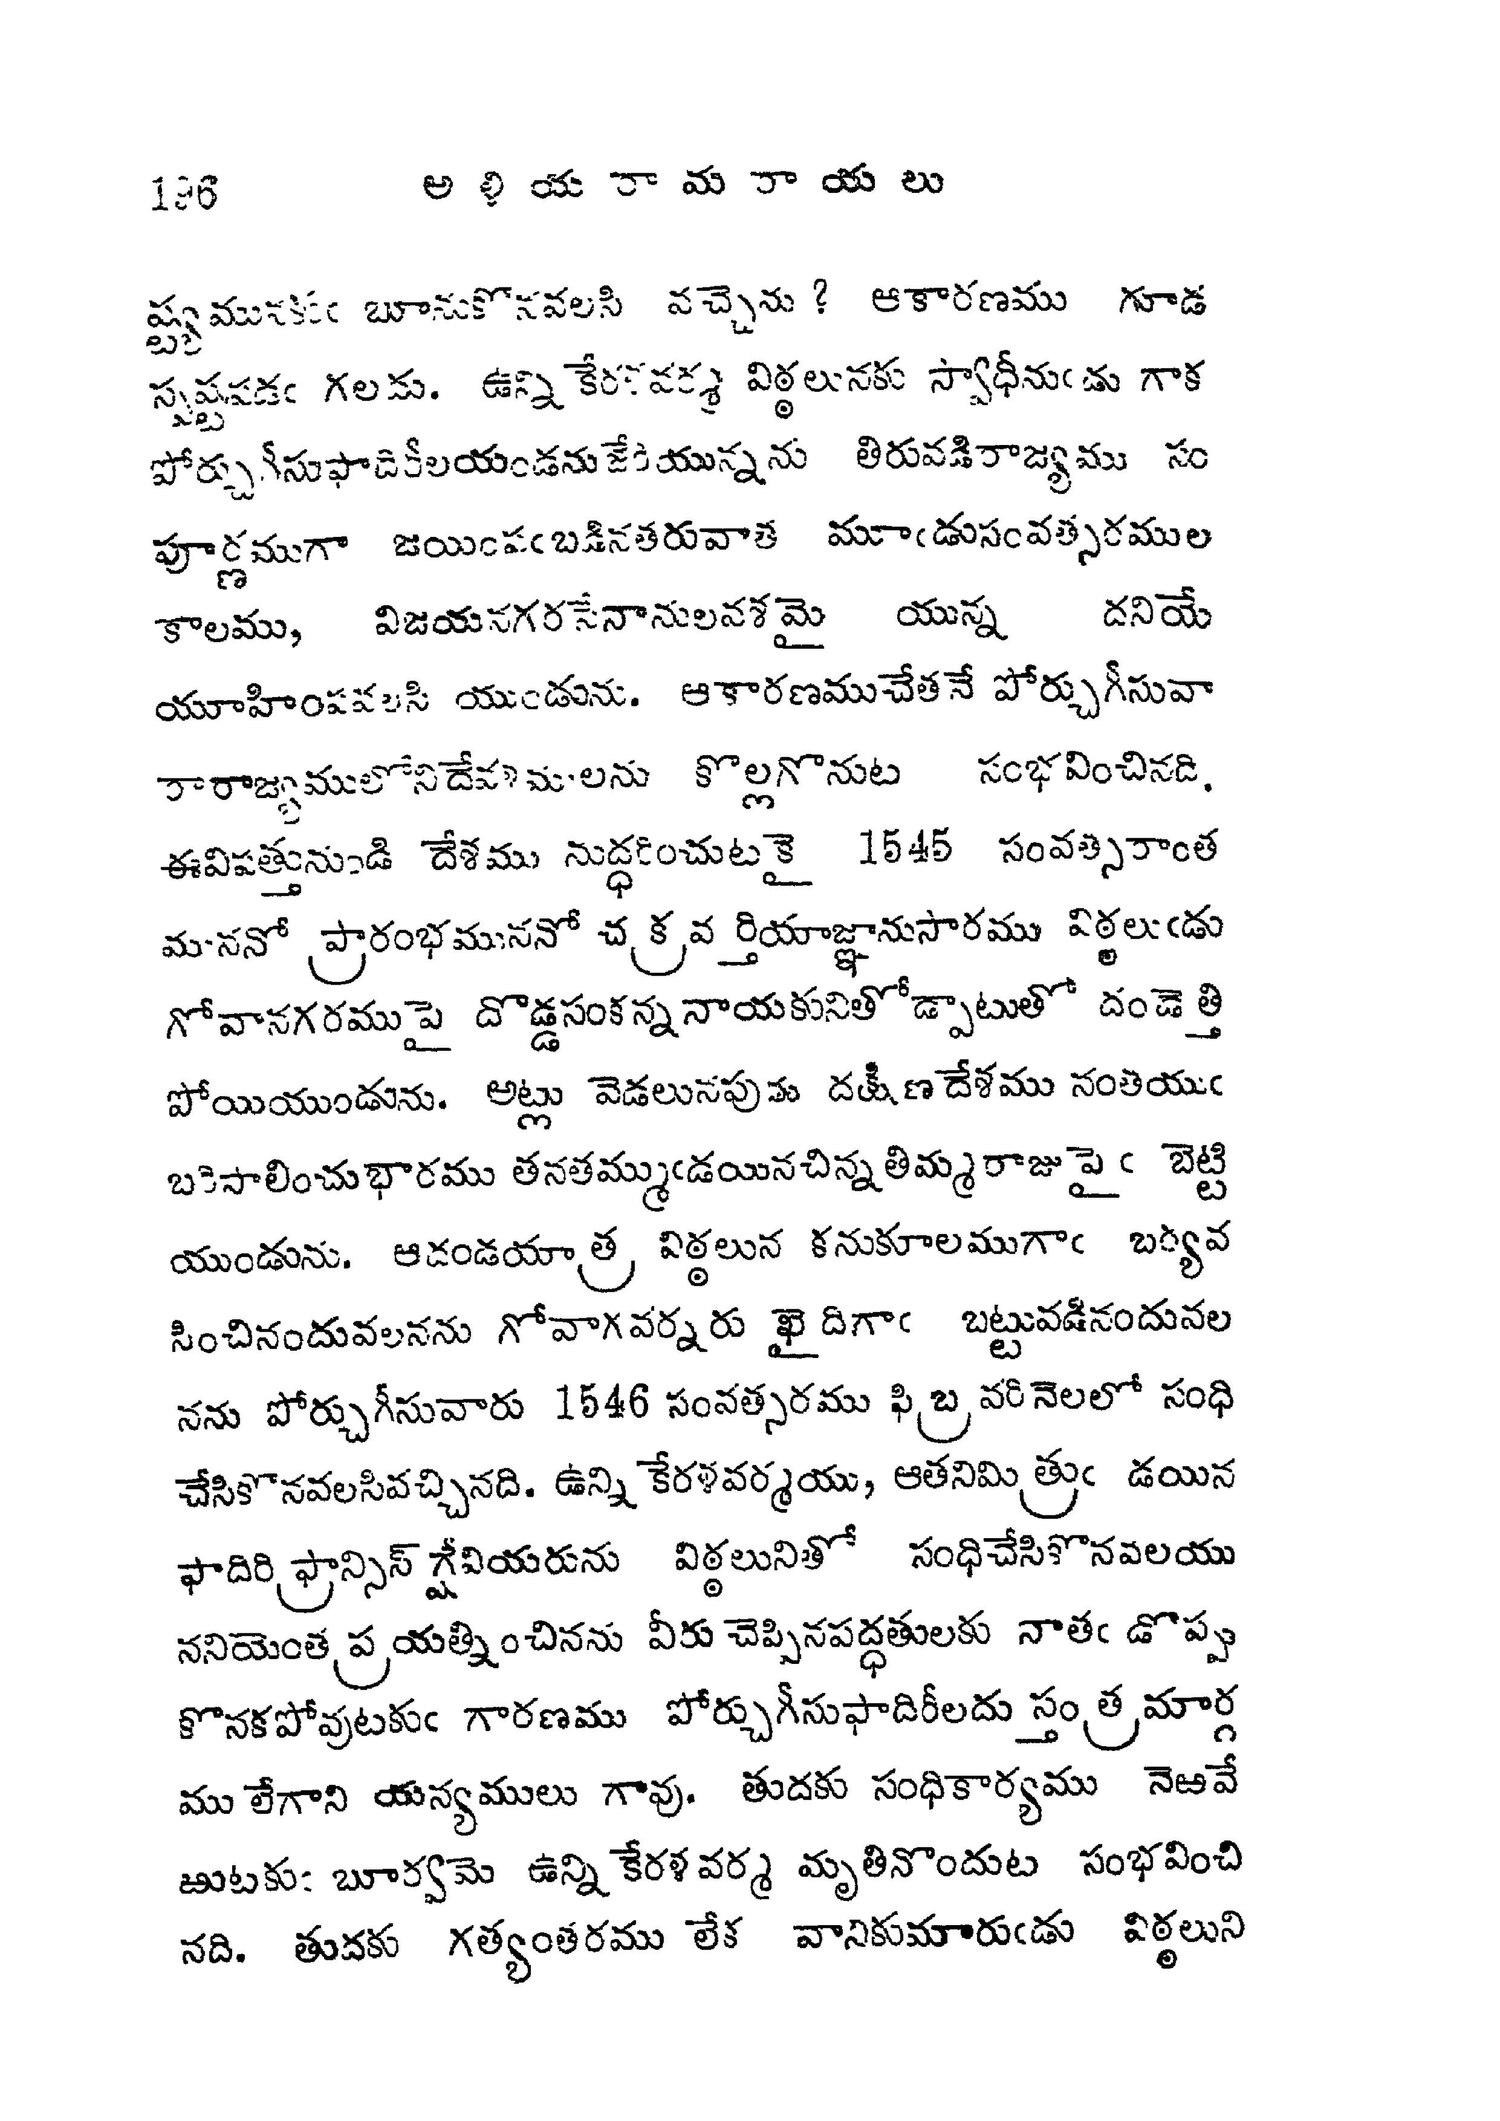ష్ట్యమునకు బూనుకొనవలసి వచ్చెను? ఆకారణము గూడ స్పష్టపడ గలదు. ఉన్నికేరళవర్మ విఠ్ఠలునకు స్వాధీనుడు గాక పోర్చుగీసుఫాదిరీల యండనుజేరియున్నను తిరువడిరాజ్యము సంపూర్ణముగా జయింపబడినతరువాత మూడుసంవత్సరముల కాలము, విజయనగరసేనానులవశమై యున్న దనియే యూహింపవలసి యుండును. ఆకారణముచేతనే పోర్చుగీసువారారాజ్యములోని దేవళములను కొల్లగొనుట సంభవించినది. ఈవిపత్తునుండి దేశము నుద్ధరించుటకై 1545 సంవత్సరాంతముననో ప్రారంభముననో చక్రవర్తియాజ్ఞానుసారము విఠ్ఠలుడు గోవానగరముపై దొడ్డసంకన్ననాయకునితోడ్పాటుతో దండెత్తిపోయియుండును. అట్లు వెడలునపుడు దక్షిణదేశము నంతయు బరిపాలించుభారము తనతమ్ముడయిన చిన్నతిమ్మరాజుపై బెట్టి యుండును. ఆదండయాత్ర విఠ్ఠలున కనుకూలముగా బర్యవసించినందువలనను గోవాగవర్నరు ఖైదిగా బట్టువడినందువలనను పోర్చుగీసువారు 1546 సంవత్సరము ఫిబ్రవరినెలలో సంధిచేసికొనవలసివచ్చినది. ఉన్నికేరళవర్మయు, ఆతనిమిత్రు డయిన ఫాదిరిఫ్రాన్సిస్‌గ్షేవియరును విఠ్ఠలునితో సంధిచేసికొనవలయునని యెంతప్రయత్నించినను వీరు చెప్పినపద్ధతులకు నాత డొప్పుకొనకపోవుటకు గారణము పోర్చుగీసుఫాదిరీలదుస్తంత్రమార్గములేగాని యన్యములు గావు. తుదకు సంధికార్యము నెఱవేఱుటకు బూర్వమే ఉన్నికేరళవర్మ మృతినొందుట సంభవించినది. తుదకు గత్యంతరము లేక వానికుమారుడు విఠ్ఠలుని